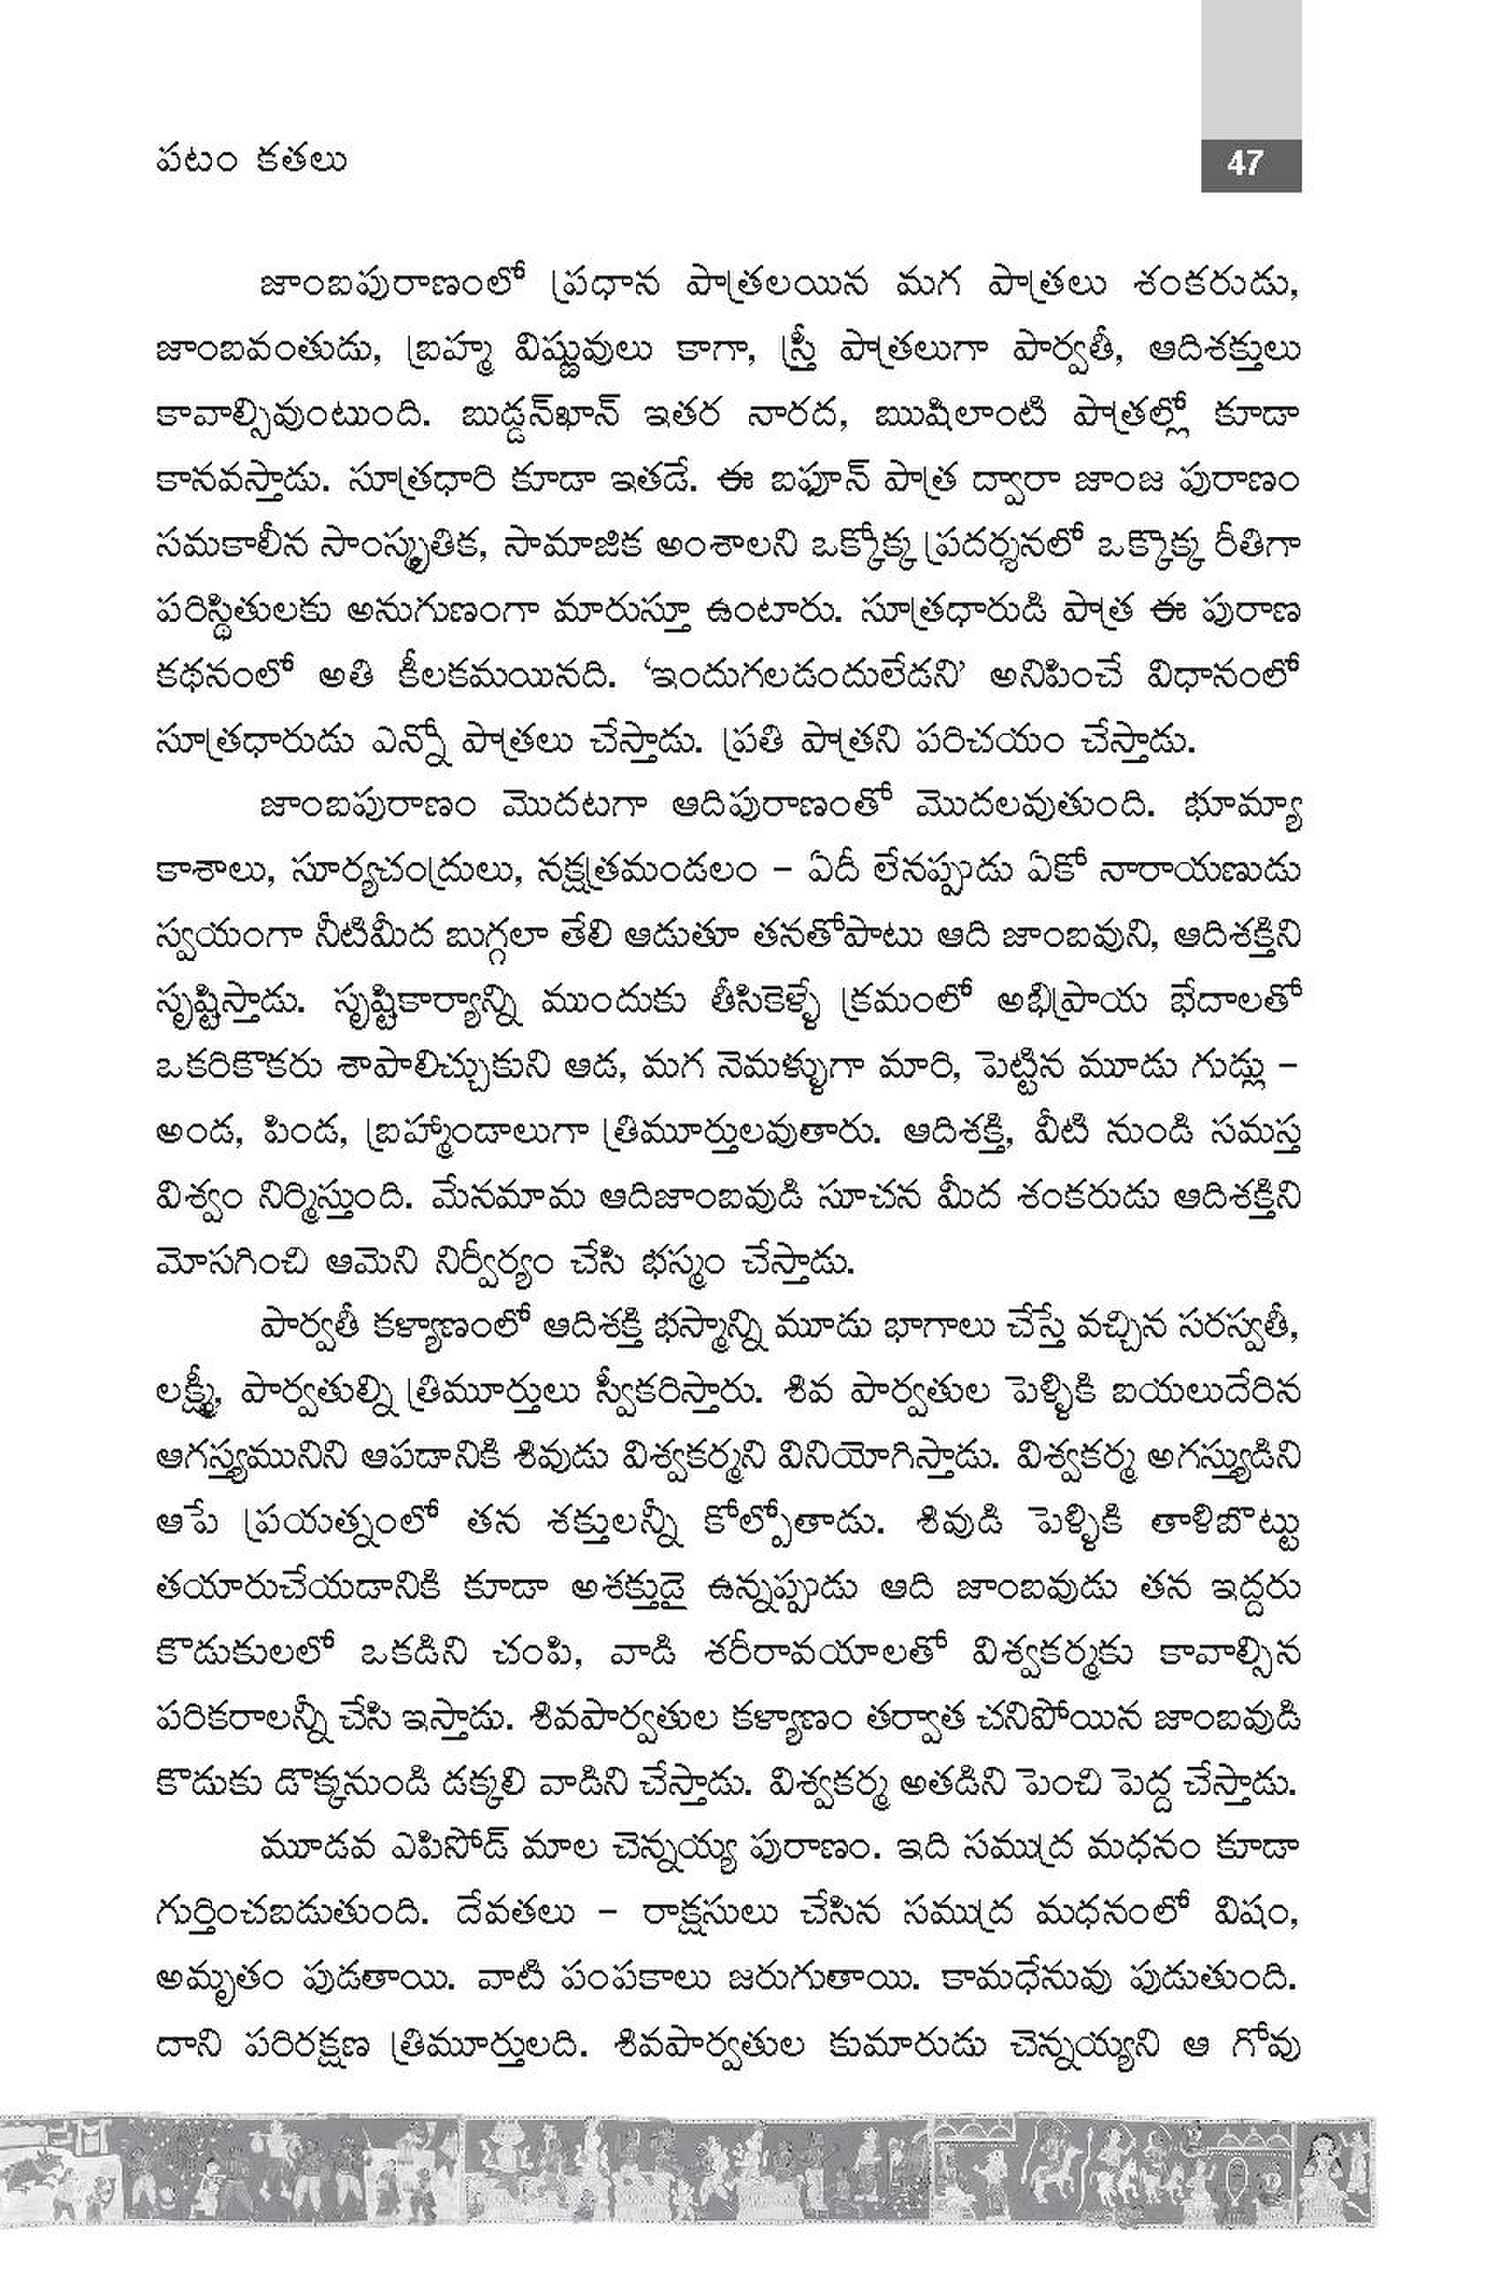జాంబపురాణంలో ప్రధాన పాత్రలయిన మగ పాత్రలు శంకరుడు, జాంబవంతుడు, బ్రహ్మ విష్ణువులు కాగా, స్త్రీ పాత్రలుగా పార్వతీ, ఆదిశక్తులు కావాల్సివుంటుంది. బుద్దనాఖాన్ ఇతర నారద, ఋషిలాంటి పాత్రల్లో కూడా కానవస్తాడు. సూత్రధారి కూడా ఇతడే. ఈ ఐఫూన్ పాత్ర ద్వారా జాంజ పురాణం సమకాలీన సాంస్కృతిక, సామాజిక అంశాలని ఒక్కోక్క ప్రదర్శనలో ఒక్కొక్క రీతిగా పరిస్థితులకు అనుగుణంగా మారుస్తూ ఉంటారు. సూత్రధారుడి పాత్ర ఈ పురాణ
కథనంలో అతి కీలకమయినది. 'ఇందుగలడందులేడని' అనిపించే విధానంలో సూత్రధారుడు ఎన్నో పాత్రలు చేస్తాడు. ప్రతి పాత్రని పరిచయం చేస్తాడు.

జాంబపురాణం మొదటగా ఆదిపురాణంతో మొదలవుతుంది. భూమ్యాకాశాలు, సూర్యచంద్రులు, నక్షత్రమండలం - ఏదీ లేనప్పుడు ఏకో నారాయణుడు స్వయంగా నీటిమీద బుగ్గలా తేలి ఆడుతూ తనతోపాటు ఆది జాంబవుని, ఆదిశక్తిని
సృష్టిస్తాడు. సృష్టికార్యాన్ని ముందుకు తీసికెళ్ళే క్రమంలో అభిప్రాయ భేదాలతో ఒకరికొకరు శాపాలిచ్చుకుని ఆడ, మగ నెమళ్ళుగా మారి, పెట్టిన మూడు గుడ్లు - అండ, పిండ, బ్రహ్మాండాలుగా త్రిమూర్తులవుతారు. ఆదిశక్తి, వీటి నుండి సమస్త విశ్వం నిర్మిస్తుంది. మేనమామ ఆదిజాంబవుడి సూచన మీద శంకరుడు ఆదిశక్తిని మోసగించి ఆమెని నిర్వీర్యం చేసి భస్మం చేస్తాడు.

పార్వతీ కళ్యాణంలో ఆదిశక్తి భస్మాన్ని మూడు భాగాలు చేస్తే వచ్చిన సరస్వతీ, లక్ష్మీ, పార్వతుల్ని త్రిమూర్తులు స్వీకరిస్తారు. శివ పార్వతుల పెళ్ళికి బయలుదేరిన ఆగస్త్యమునిని ఆపడానికి శివుడు విశ్వకర్మని వినియోగిస్తాడు. విశ్వకర్మ అగస్త్యుడిని ఆపే ప్రయత్నంలో తన శక్తులన్నీ కోల్పోతాడు. శివుడి పెళ్ళికి తాళిబొట్టు తయారుచేయడానికి కూడా అశక్తుడై ఉన్నప్పుడు ఆది జాంబవుడు తన ఇద్దరు కొదుకులలో ఒకడిని చంపి, వాడి శరీరావయాలతో విశ్వకర్మకు కావాల్సిన
పరికరాలన్నీ చేసి ఇస్తాడు. శివపార్వతుల కళ్యాణం తర్వాత చనిపోయిన జాంబవుడి కొడుకు డొక్కనుండి డక్కలి వాడిని చేస్తాడు. విశ్వకర్మ అతడిని పెంచి పెద్ద చేస్తాడు.

మూడవ ఎపిసోడ్ మాల చెన్నయ్య పురాణం. ఇది సముద్ర మధనం కూడా గుర్తించబడుతుంది. దేవతలు రాక్షసులు చేసిన సముద్ర మధనంలో విషం, అమృతం పుడతాయి. వాటి పంపకాలు జరుగుతాయి. కామధేనువు పుడుతుంది.
దాని పరిరక్షణ త్రిమూర్తులది. శివపార్వతుల కుమారుడు చెన్నయ్యని ఆ గోవు